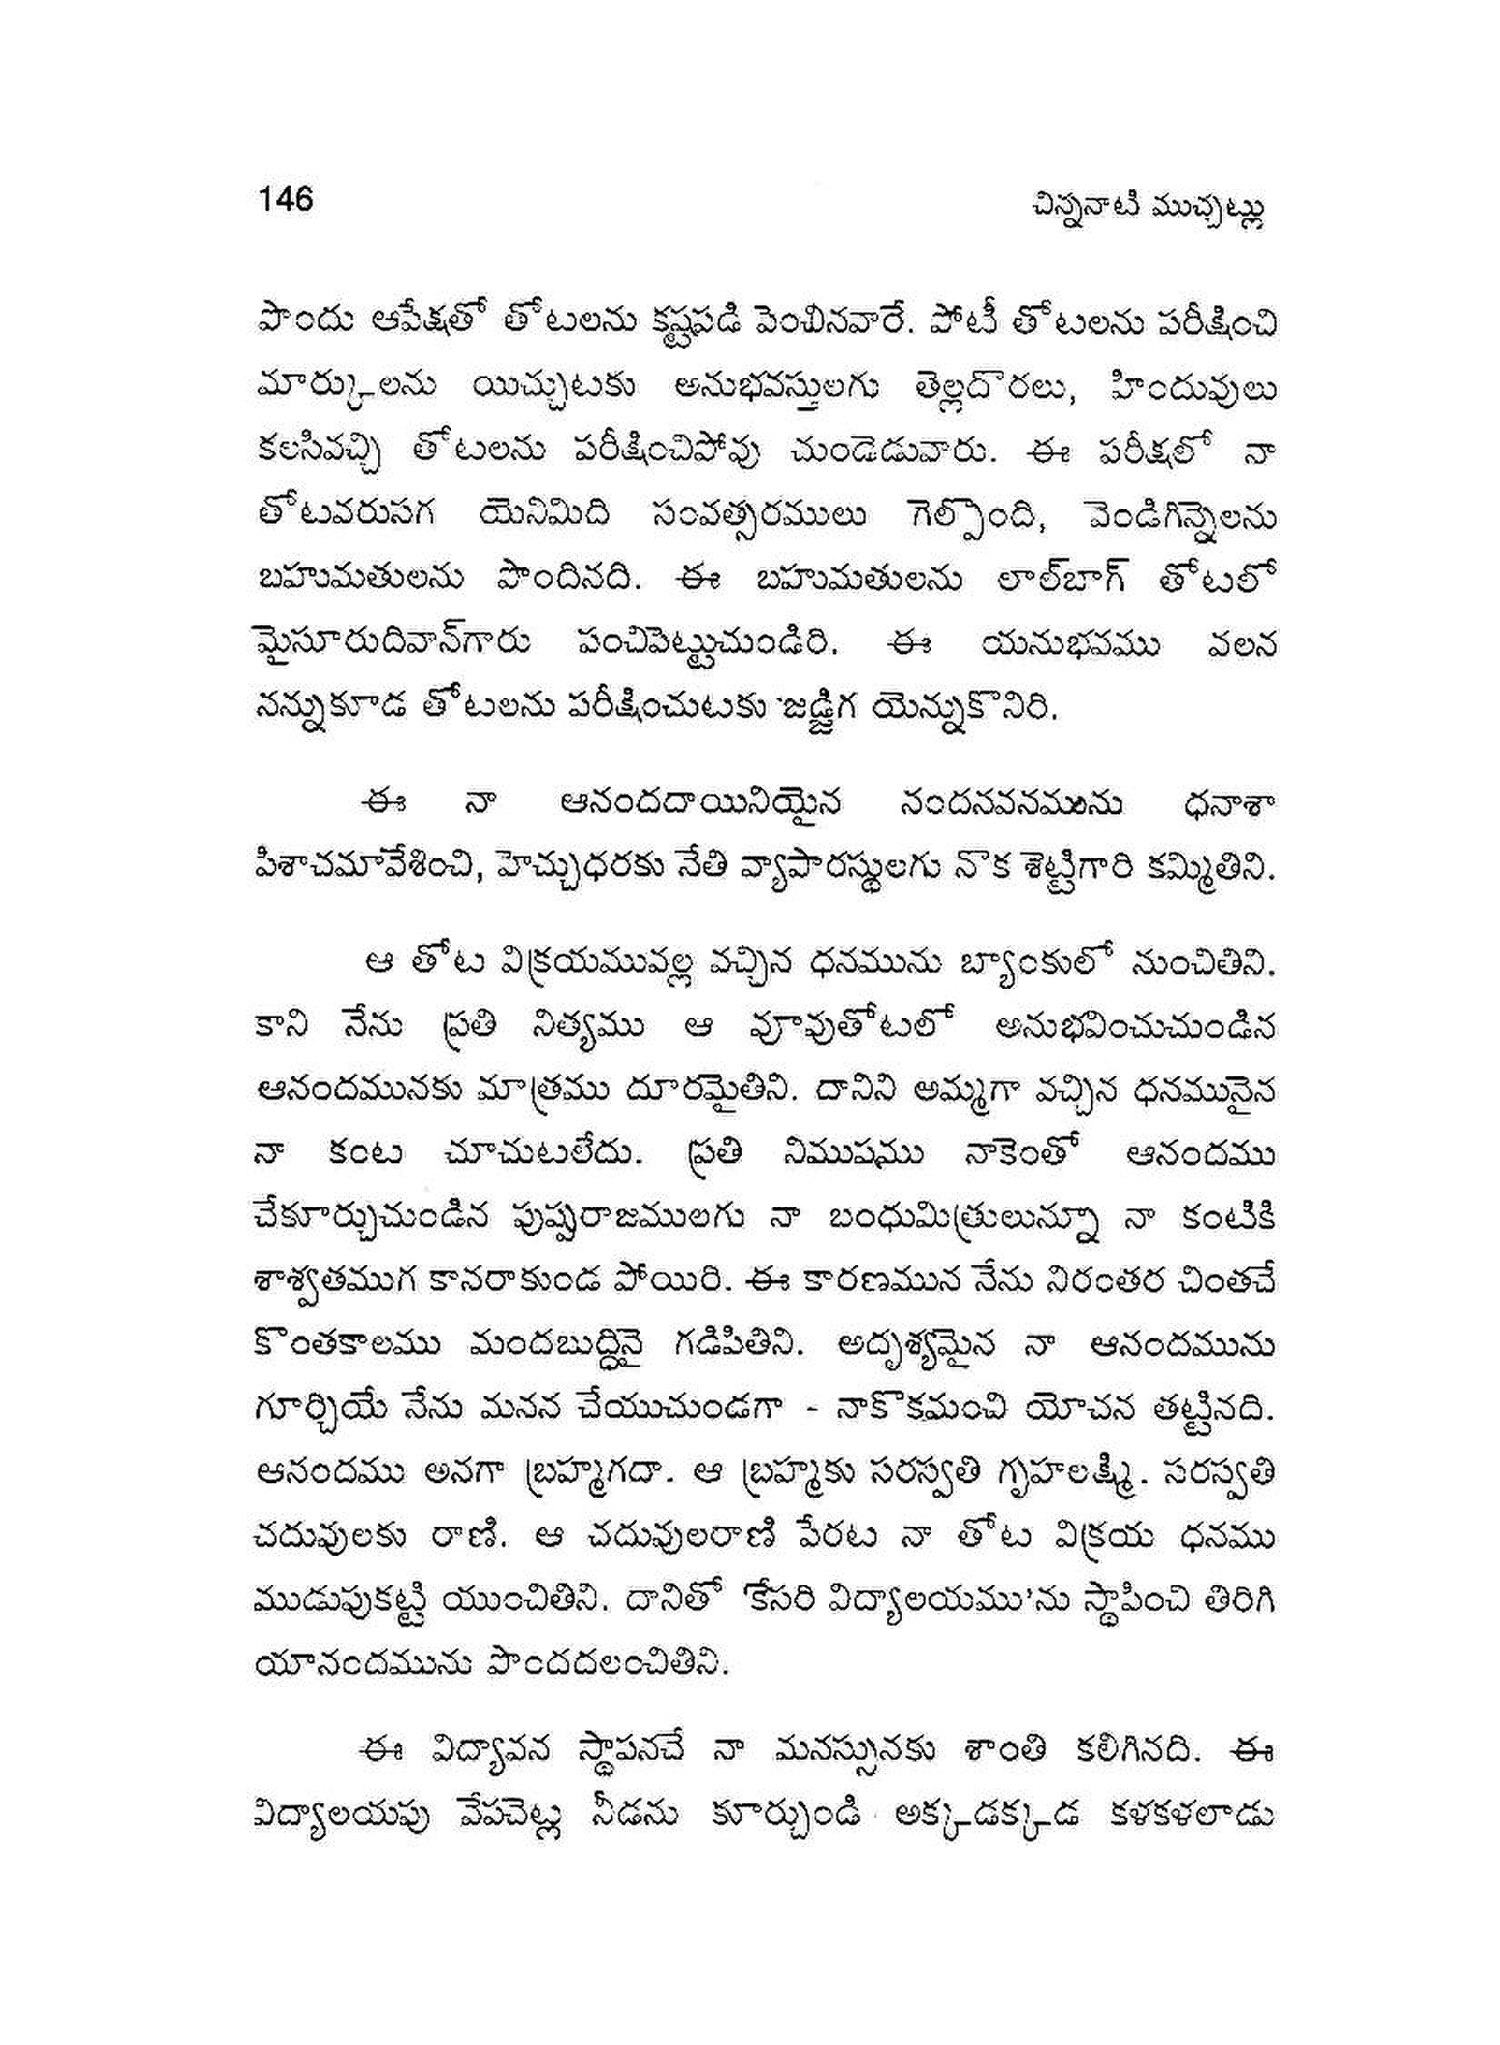పొందు ఆపేక్షతో తోటలను కష్టపడి పెంచినవారే. పోటీ తోటలను పరీక్షించి మార్కులను యిచ్చుటకు అనుభవస్తులగు తెల్లదొరలు, హిందువులు కలసివచ్చి తోటలను పరీక్షించిపోవు చుండెడువారు. ఈ పరీక్షలో నా తోటవరుసగ యెనిమిది సంవత్సరములు గెల్పొంది, వెండిగిన్నెలను బహుమతులను పొందినది. ఈ బహుమతులను లాల్ బాగ్ తోటలో మైసూరుదివాన్గారు పంచిపెట్టుచుండిరి. ఈ యనుభవము వలన నన్నుకూడ తోటలను పరీక్షించుటకు జడ్జిగ యెన్నుకొనిరి.

ఈ నా ఆనందదాయినియైన నందనవనమును ధనాశా పిశాచమావేశించి, హెచ్చుధరకు నేతి వ్యాపారస్తులగు నొక శెట్టిగారి కమ్మితిని.

ఆ తోట విక్రయమువల్ల వచ్చిన ధనమును బ్యాంకులో నుంచితిని. కాని నేను ప్రతి నిత్యము ఆ వూవుతోటలో అనుభవించుచుండిన ఆనందమునకు మాత్రము దూరమైతిని. దానిని అమ్మగా వచ్చిన ధనమునైన నా కంట చూచుటలేదు. ప్రతి నిముషము నాకెంతో ఆనందము చేకూర్చుచుండిన పుష్పరాజములగు నా బంధుమిత్రులున్నూ నా కంటికి శాశ్వతముగ కానరాకుండ పోయిరి. ఈ కారణమున నేను నిరంతర చింతచే కొంతకాలము మందబుద్ధినై గడిపితిని. అదృశ్యమైన నా ఆనందమును గూర్చియే నేను మనన చేయుచుండగా - నాకొకమంచి యోచన తట్టినది. ఆనందము అనగా బ్రహ్మగదా. ఆ బ్రహ్మకు సరస్వతి గృహలక్ష్మి. సరస్వతి చదువులకు రాణి. ఆ చదువులరాణి పేరట నా తోటు విక్రయ ధనము ముడుపుకట్టి యుంచితిని. దానితో 'కేసరి విద్యాలయము'ను స్థాపించి తిరిగి యానందమును పొందదలంచితిని.

ఈ విద్యావన స్థాపనచే నా మనస్సునకు శాంతి కలిగినది. ఈ విద్యాలయపు వేపచెట్ల నీడను కూర్చుండి అక్కడక్కడ కళకళలాడు